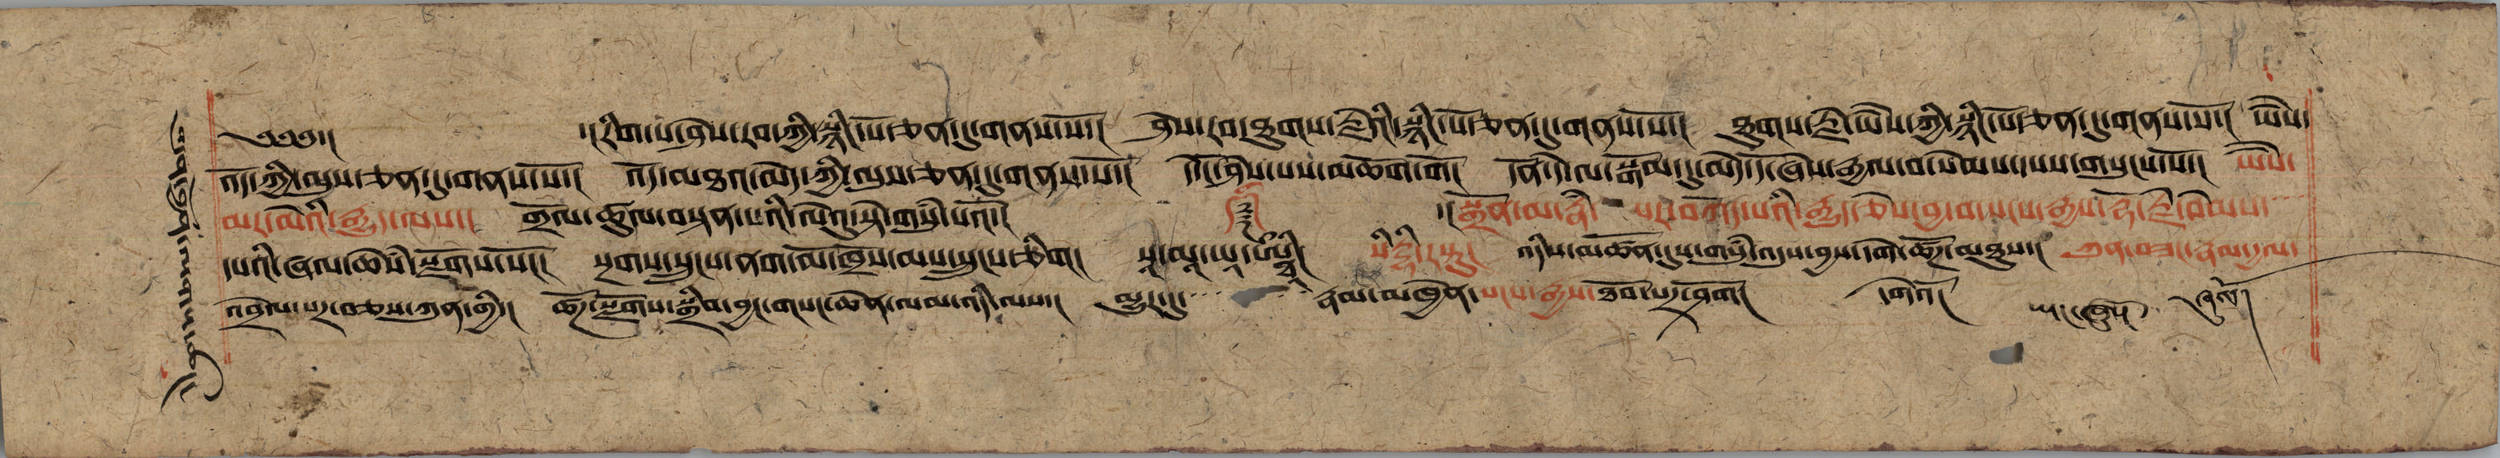༄༅༅་། ་།རིག་པ་ཤེས་རབ་ཀྱི་སྙིང་པོ་ཅན་དུ་གནས་སོ་། ཤེས་རབ་ཐུགས་རྗེའི་སྙིང་པོ་ཅན་དུ་གནས་སོ་། ཐུགས་རྗེ་ཡཻས་ཀྱི་སྙིང་པོ་ཅན་དུ་གནས་སོ་། ཡཻས་
འོད་ཀྱི་ལུས་ཅན་དུ་གནས་སོ་། འོད་མཐའ་མེད་ཀྱི་ལུས་ཅན་དུ་གནས་སོ་། དེ་ངོ་ཤེས་པས་མཆོག་གོ། དོན་དེ་ལ་སྒོམ་དུ་མེད་དོ་ཞེས་རྒྱལ་བ་སེམས་པས་གསུངས་སོ་། ཡཻས་
མར་མེའི་རྒྱུད་ལས་། གྲོལ་ཚུལ་བསྟན་པའི་ལེའུ་སྟེ་གསུཾ་པའོ་། ༼༈༽ ་།སྒྲོན་མ་རྣཾས་པར་བསྟོད་པའི་རྒྱུད་ཅེས་བྱ་བ་སངས་རྒྱས་རྡོ་རྗེ་སེམས་
དཔའི་ཞལ་ཆེསཾ་སྫོགས་སོ།།། སྔགས་སྲུངས་ནག་མོ་ཁྲོས་མས་སྲུངས་ཅིག། སཱ་མཱ་ཡཱ་ཨྠི། སིཌྷི་རསྟུ། འདིས་མཚོན་དུས་གསུཾ་འདུས་བྱས་དགེ་ཚོཌ་མཐུས་། ཀུན་བཟང་རྣམ་དྱལ་
འབྲེལ་པར་བཅས་ཀུན་གྱི་། ཚོཌ་སྫོགས་སྒྲིབ་བྱང་གསང་ཆེན་ལམ་འདི་ལས་། མྱུར་དུ་ རྣམ་མཁྱེན་སངས་རྒྱས་ཐོབ་པར་ོག། དགེའོ། ཡང་ཞུསོ། ཞུསོ།